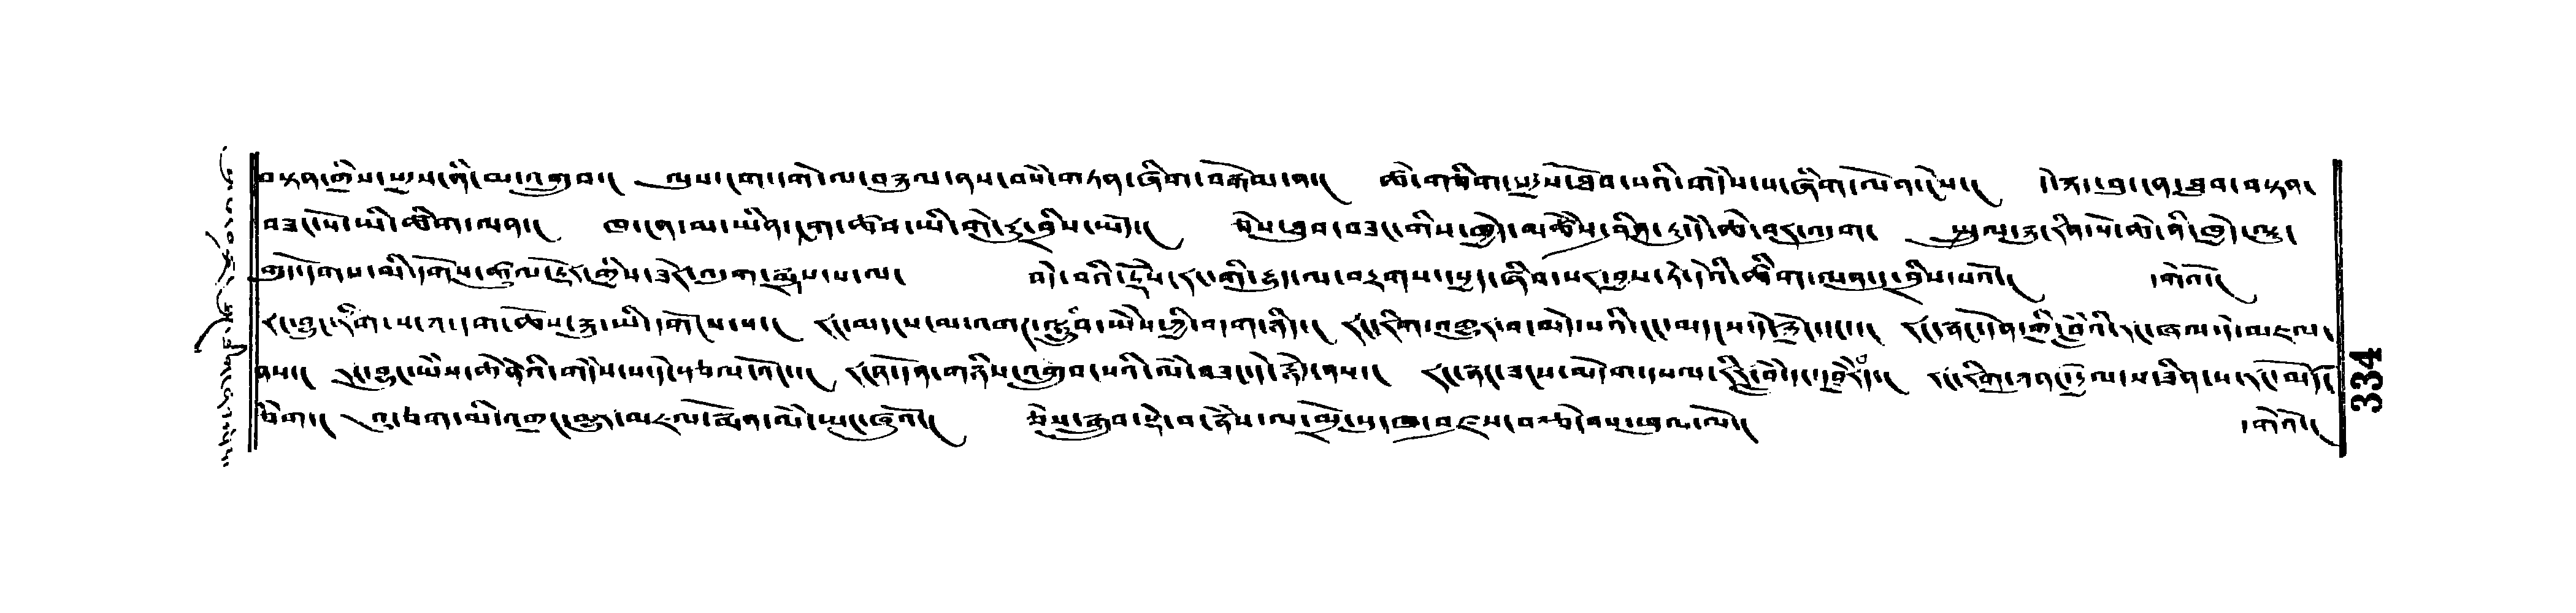བསྟན་གྱིས་སངས་རྒྱས་ནི་མ་འགྲུབ། །ལུས་ངག་དགེ་ལ་བསྐུལ་ནས་བསམ་གཏན་ཞིག་བསྒོམ་ན། །ཚེ་གཅིག་སངས་རྒྱས་ཐོབ་པའི་གདམས་པ་ཞིག་ལོན་ངེས། །དེ་སྐད་བུ་ངན་ཐུབ་བསྟན་
བཟང་པོ་ཡི་ཚིག་ལན། ཁ་ངན་མ་ཡིས་ངག་ཚབ་ཡི་གེ་རུ་བྲིས་ཡོད། ཅེས་ཐུབ་བཟང་གིས་ཁྱེད་མཚམས་ཤིན་ཏུ་དམ་ཆེ་བར་འདུག སྤྲུལ་སྐུ་རིན་པོ་ཆེས་ནི་ཁྱེད་ལྟ་བུ་
གུ་དོགས་མི་དགོ་ཚུལ་ཚུལ་རྡོར་གྱིས་ཟེར་འདུག་སྨྲས་པ་ལ། བདེ་བའི་རྡོ་རྗེས་རང་གི་རྒྱུད་ལ་བརྟག་དཔྱད་ཞིབ་པར་བྱས་ཏེ་དེའི་ཚིག་ལན་དུ་བྲིས་པའོ།། དགེའོ།། 
རང་བྱུང་རིག་པ་ཀ་དག་ཆོས་སྐུ་ཡི་དགོངས་པ། རང་མདངས་མ་འགགས་ལྷུན་གྲུབ་ཡེ་ཤེས་ཀྱི་བདག་ཉིད། །རང་རིག་འགྱུར་བ་མེད་པའི་ངང་མདངས་དེ་སྐྱོངས་དང་། །རང་སྣང་དོན་གྱི་བླ་མའི་རང་ཞལ་དེ་མཇལ་
ནས། །རང་བྱུང་ཡེ་ཤེས་ཆེན་པོའི་གདམས་པ་དེ་སྩལ་འོང་། །རང་གཞན་དོན་གཉིས་འགྲུབ་པའི་ལམ་བཟང་དེ་རྙེད་ནས། །རང་སྣང་ཟངས་མདོག་དཔལ་རིར་བླ་མ་དང་དབྱེར་མེད། །རང་རིག་ཀུན་བཟང་རྒྱལ་ས་ཟིན་པ་རང་མཛོད་
ཅིག ། འུ་ཅག་མི་འགྱང་མྱུར་མཇལ་སྨོན་ལམ་ཡང་ཞུའོ།། ཅེས་སྒྲུབ་སྡེ་བ་རྣམས་ལ་མཁའ་འགྲོ་སུ་ཁ་བཛྲས་བརྩེ་བས་ཕུལ་ལོ།། དགེའོ།།